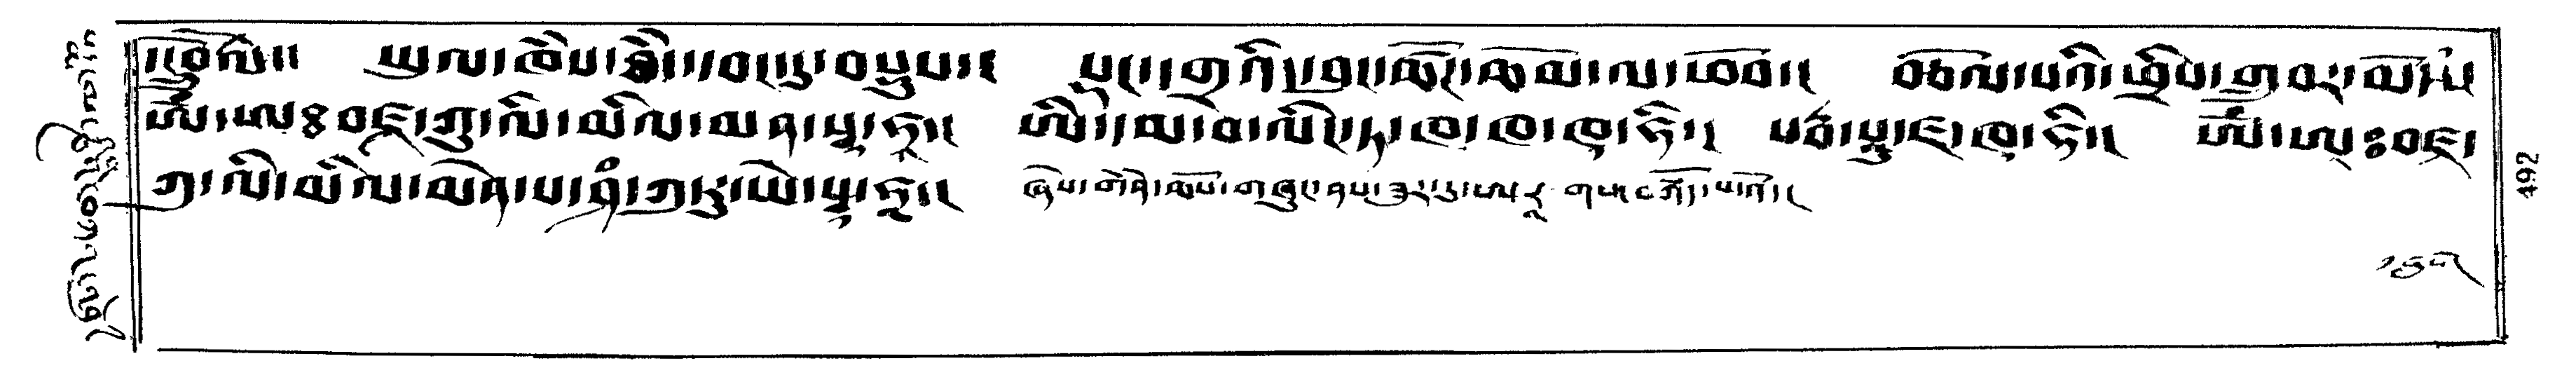དངོས་གྲུབ་སྩོལ། །ཡུལ་ཁམས་ཐམས་ཅད་དབང་དུ་བསྡུས། །སྡང་དགྲའི་དཔུང་ཚོགས་ཆམ་ལ་ཕོབ། །བཅོལ་པའི་ཕྲིན་ལས་འགྲུབ་པར་མཛོད། 
ཨོཾ་ཨཿབཛྲ་ཀུ་ལི་མིལ་མན་སྭ་ཧཱ། །ཨི་དམ་བ་ལིང་ཏ་ཁ་ཁ་ཁཱ་ཧི། སརྦ་པཱུ་ཛ་ཁཱ་ཧི། ཨོཾ་ཨཱཿབཛྲ་
ཀུ་ལི་མིལ་མེན་པ་ཤཾ་ཀུ་རུ་ཡེ་སྭ་ཧཱ། ཞེས་གནམ་ཆོས་གཞུང་ནས་ཟུར་དུ་ཨརཱ་གས་བཀོད་པའོ།།